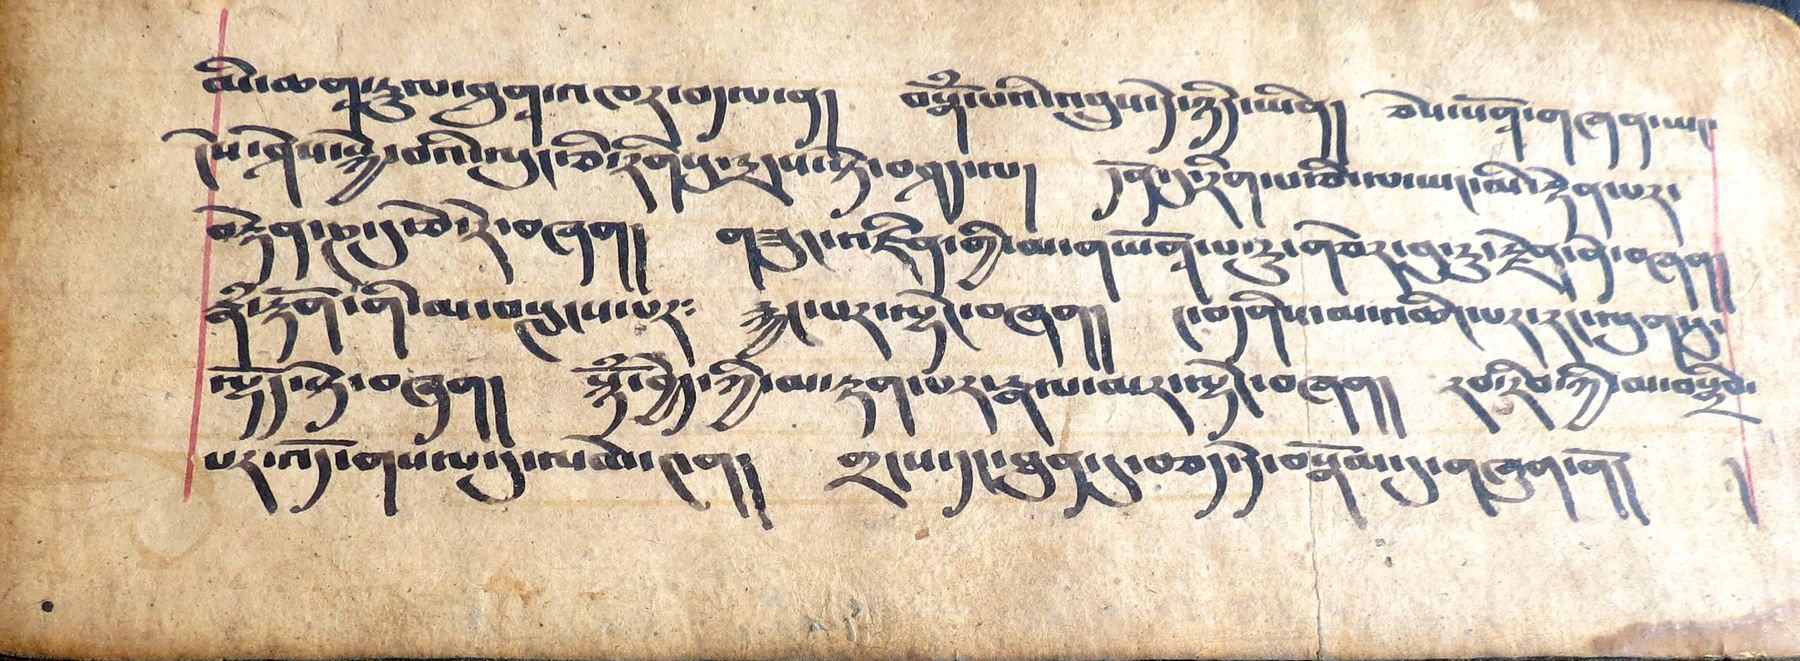མི་ཆགས་རྟུལ་ཤུགས་མཁར་བདལ་ན། བསྒོམ་པའི་འབྲས་བུ་དེ་ཉིད་ཡིན། ཞེས་སོགས། གཞན་ཡང་
ངེས་ཤེས་སྐྱེ་བའི་ལུང་ཅི་རིགས་སུ་དྲངས་ཏེ་བཤད་ལ། དོན་དུ་རིག་པ་ཅི་ལ་ཡང་མི་བརྟེན་པར་
རྟེན་མེད་ཅེར་རེ་བཞག གཟུང་འཛིན་གྱིས་མ་གཡོགས་པར་གཅེར་བུར་རྗེན་ནེ་བཞག 
རྣམ་རྟོག་གིས་མ་བསླད་པའི་རྐྱང་པར་ལྷང་ངེ་བཞག ང་བདག་གིས་མ་བཅིངས་པ་རང་ལུགས་སུ་
ལྷོད་དེ་བཞག སྙམ་བྱེད་ཀྱིས་མ་བརྟག་པར་རྣལ་མར་ལྷང་ངེ་བཞག རབ་རིབ་ཀྱིས་མ་སྒྲིབས་
པར་འོད་གསལ་དུ་ལམ་མེ་བཞག གྲངས་དང་ཐུན་དུ་བཅད་དེ་སྒོམ་དུ་གཞུག་གོ །